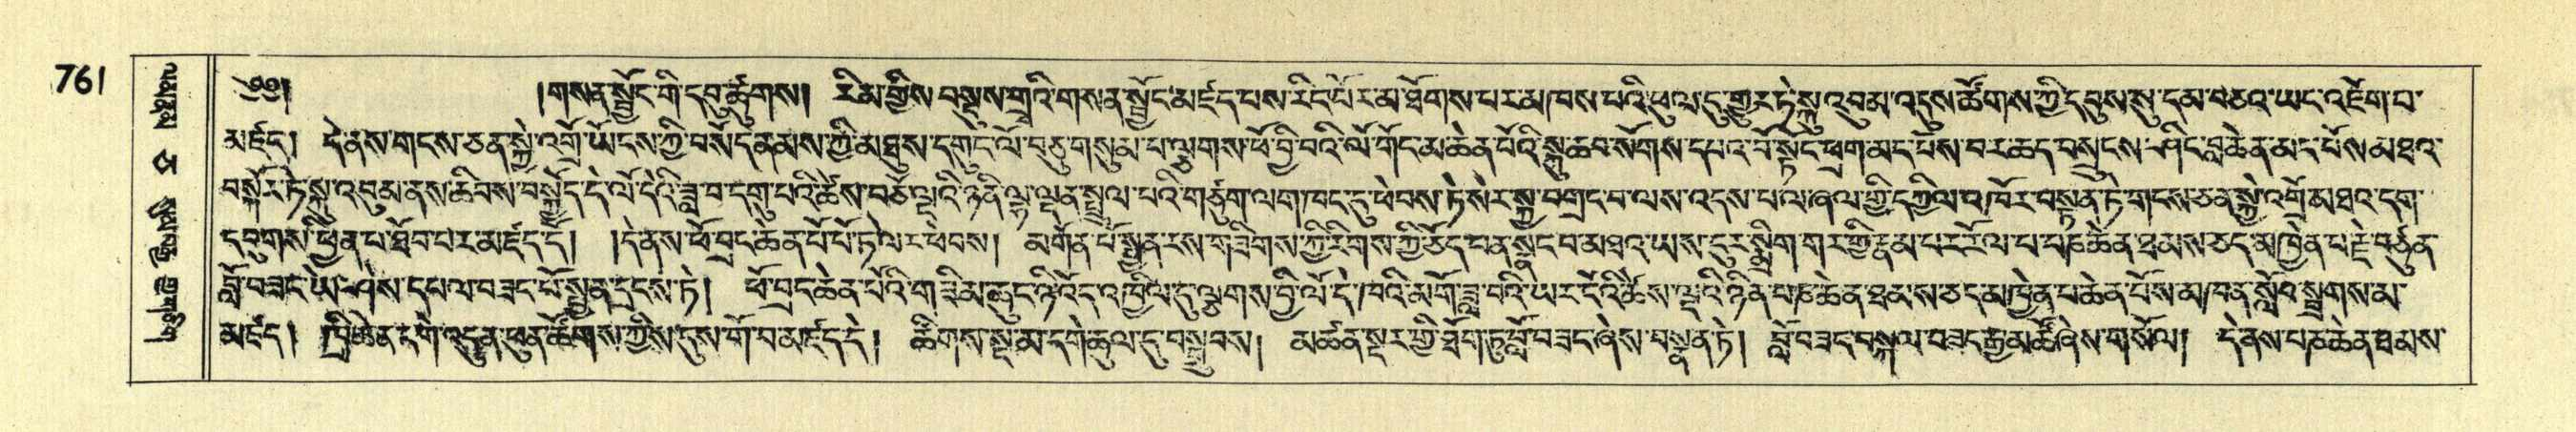༄༅། །གསན་སྦྱོང་གི་དབུ་ཚུགས། རིམ་གྱིས་བསྡུས་གྲྭའི་གསན་སྦྱོང་མཛད་པས་རིང་པོར་མ་ཐོགས་པར་མཁས་པའི་ཕུལ་དུ་གྱུར་ཏེ་སྐུ་འབུམ་འདུས་ཚོགས་ཀྱི་དབུས་སུ་དམ་བཅའ་ཡང་འཇོག་པ་
མཛད། དེ་ནས་གངས་ཅན་སྐྱེ་འགྲོ་ཡོངས་ཀྱི་བསོད་ནམས་ཀྱི་མཐུས་དགུང་ལོ་བཅུ་གསུམ་པ་ལྕགས་ཕོ་བྱི་བའི་ལོ་གོང་མ་ཆེན་པོའི་སྐུ་ཆབ་སོགས་དཔའ་བོ་སྟོང་ཕྲག་མང་པོས་བར་ཆད་བསྲུངས་ཤིང་བླ་ཆེན་མང་པོས་མཐའ་
བསྐོར་ཏེ་སྐུ་འབུམ་ནས་ཆིབས་བསྐྱོད་དེ་ལོ་དེའི་ཟླ་བ་དགུ་པའི་ཚེས་བཅོ་ལྔའི་ཉིན་ལྷ་ལྡན་སྤྲུལ་པའི་གཙུག་ལག་ཁང་དུ་ཕེབས་ཏེ་སེར་སྐྱ་བགྲང་བ་ལས་འདས་པ་ལ་ཞལ་གྱི་དཀྱིལ་འཁོར་བསྟན་ཏེ་གངས་ཅན་སྐྱེ་འགྲོ་མཐའ་དག་
དབུགས་ཕྱིན་པ་ཐོབ་པར་མཛད་དོ། །དེ་ནས་ཕོ་བྲང་ཆེན་པོ་པོ་ཏེ་ལར་ཕེབས། མགོན་པོ་སྤྱན་རས་གཟིགས་ཀྱི་རིགས་ཀྱི་ཅོད་བན་སྣང་བ་མཐའ་ཡས་དུར་སྨྲིག་གར་གྱི་རྣམ་པར་རོལ་བ་པཎ་ཆེན་ཐམས་ཅད་མཁྱེན་པ་རྗེ་བཙུན་
བློ་བཟང་ཡེ་ཤེས་དཔལ་བཟང་པོ་སྤྱན་དྲངས་ཏེ། ཕོ་བྲང་ཆེན་པོའི་གཟིམ་ཆུང་ཉི་འོད་འཁྱིལ་དུ་ལྕགས་བྱི་ལོ་དེ་ཁའི་མགོ་ཟླ་བའི་ཡར་ངོའི་ཚེས་ལྔའི་ཉིན་པཎ་ཆེན་ཐམས་ཅད་མཁྱེན་པ་ཆེན་པོས་མཁན་སློབ་སྦྲགས་མ་
མཛད། ཁྲི་ཆེན་དགེ་འདུན་ཕུན་ཚོགས་ཀྱིས་དུས་གོ་བ་མཛད་དེ། ཚིགས་སྔ་མ་དགེ་ཆུལ་དུ་བསྒྲུབས། མཚན་སྔར་གྱི་ཐོག་ཏུ་བློ་བཟང་ཞེས་བསྣན་ཏེ། བློ་བཟང་བསྐལ་བཟང་རྒྱ་མཚོ་ཞེས་གསོལ། དེ་ནས་པཎ་ཆེན་ཐམས་